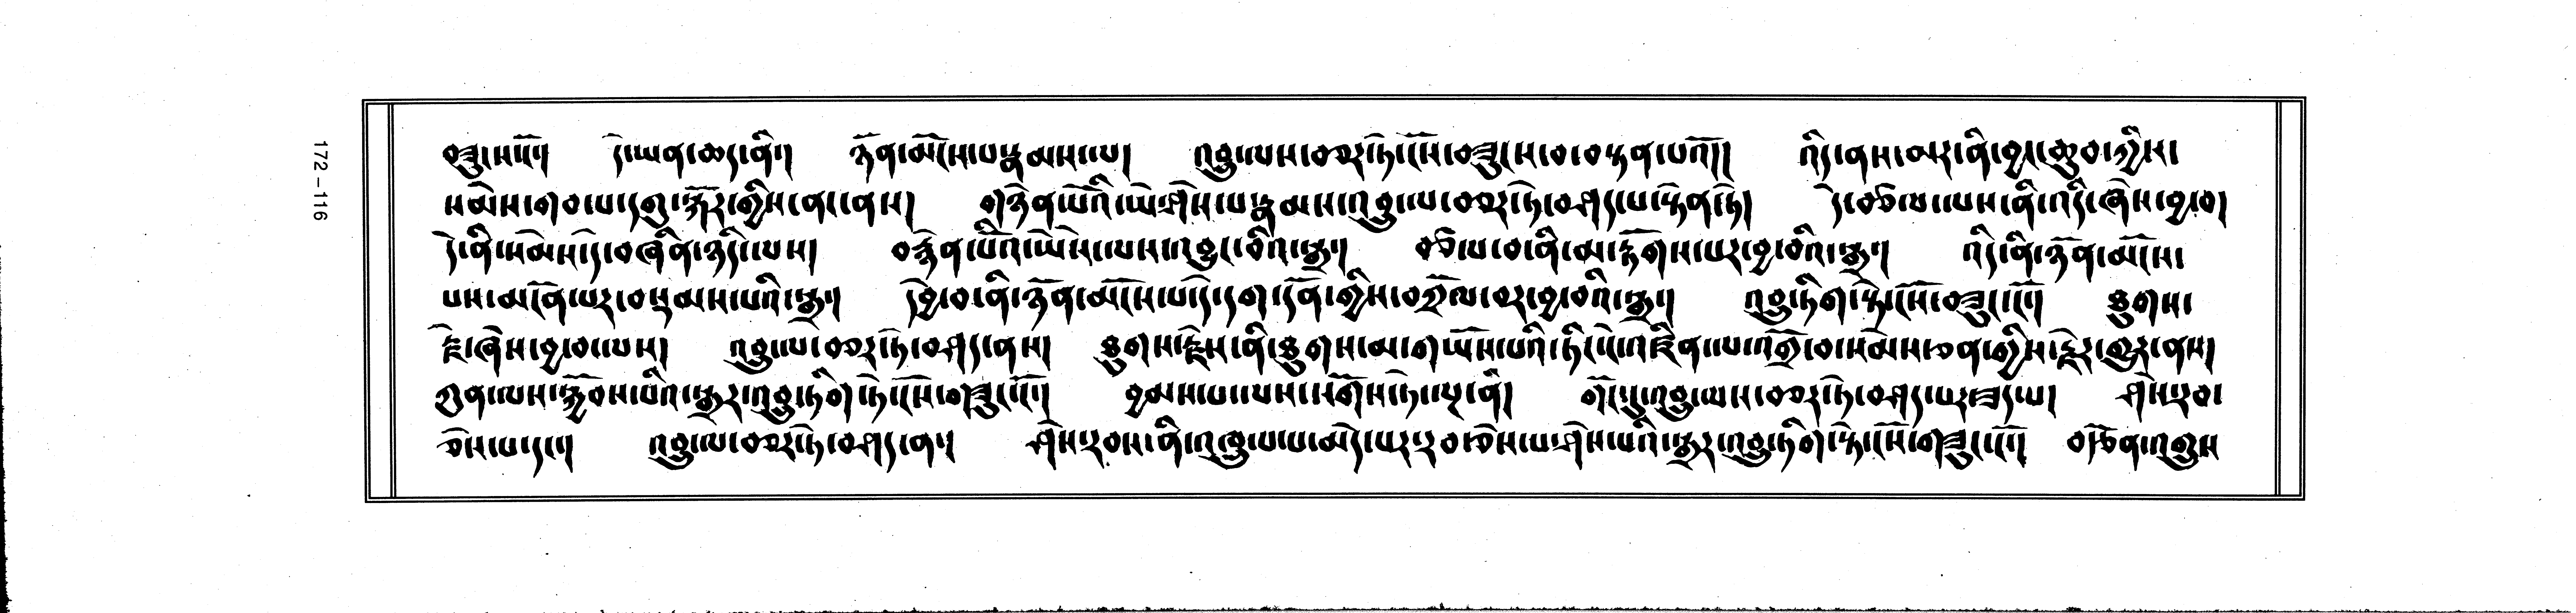བཟུངས་ངོ་། དེ་ཡན་ཆད་ནི། ཉོན་མོངས་པ་རྣམས་ལ། འབྲུ་ལས་བཅར་ཏེ་ངོས་བཟུངས་བ་བསྟན་པའོ། འདི་ནས་མར་ནི་བྱང་ཆུབ་ཀྱིས་
སེམས་གབ་པ་དགུ་སྐོར་གྱིས་ནང་ནས། གཉེན་པོའི་ཡེ་ཤེས་པ་རྣམས་འབྲུ་ལ་བཅར་ཏེ་བཤད་པ་སྟེན་ཏེ། དེ་བཙལ་ལས་ནི་འདི་ཞེས་བྱ་བ། 
དེ་ནི་སེམས་དེ་བཞིན་ཉིད་ལས། བརྙེན་པོའི་ཡེ་ཤེས་ལས་འབྱུང་བའི་སྒྲ། བཙལ་བ་ནི་མ་རྟོགས་པར་བྱ་བའི་སྒྲ། འདི་ནི་ཉོན་མོངས་
པས་མངོན་པར་བསྡམས་པའི་སྒྲ། དབྱེ་བ་ནི་ཉོན་མོངས་པ་དེ་དག་དོན་གྱིས་བཀྲོལ་བར་བྱ་བའི་སྒྲ། འབྲུ་ཏིག་སྟེ་ངོས་གཟུངས་ངོ་། ཐུགས་
རྗེ་ཞེས་བྱ་བ་ལས། འབྲུ་ལ་བཅར་ཏེ་བཤད་ནས། ཐུགས་རྗེས་ནི་ཐུགས་མ་གཡོས་པའི་ཏིང་ངེ་འཛིན་ལ་འགྲོ་བ་སེམས་ཅན་གྱིས་རྗེར་གྱུར་ནས། 
ཀུན་ལས་སྐྱོབས་པའི་སྒྲར་འབྲུ་ཏིག་སྟེ་ངོས་གཟུངས་ངོ་། བྱམས་པ་ལས་སོགས་ཏེ་ལྔ་ནི། གོང་དུ་འབྲུ་ལས་བཅར་ཏེ་བཤད་པར་ཟད་པ། ཤེས་རབ་
ཅེས་པ་དང་། འབྲུ་ལ་བཅར་ཏེ་བཤད་ན། ཤེས་རབ་ནི་འཁྲུལ་པ་མེད་པར་རབ་ཅེས་པ་ཤེས་པའི་སྒྲར་འབྲུ་ཏིག་སྟེ་ངོས་གཟུངས་ངོ་། བརྩོན་འགྲུས་